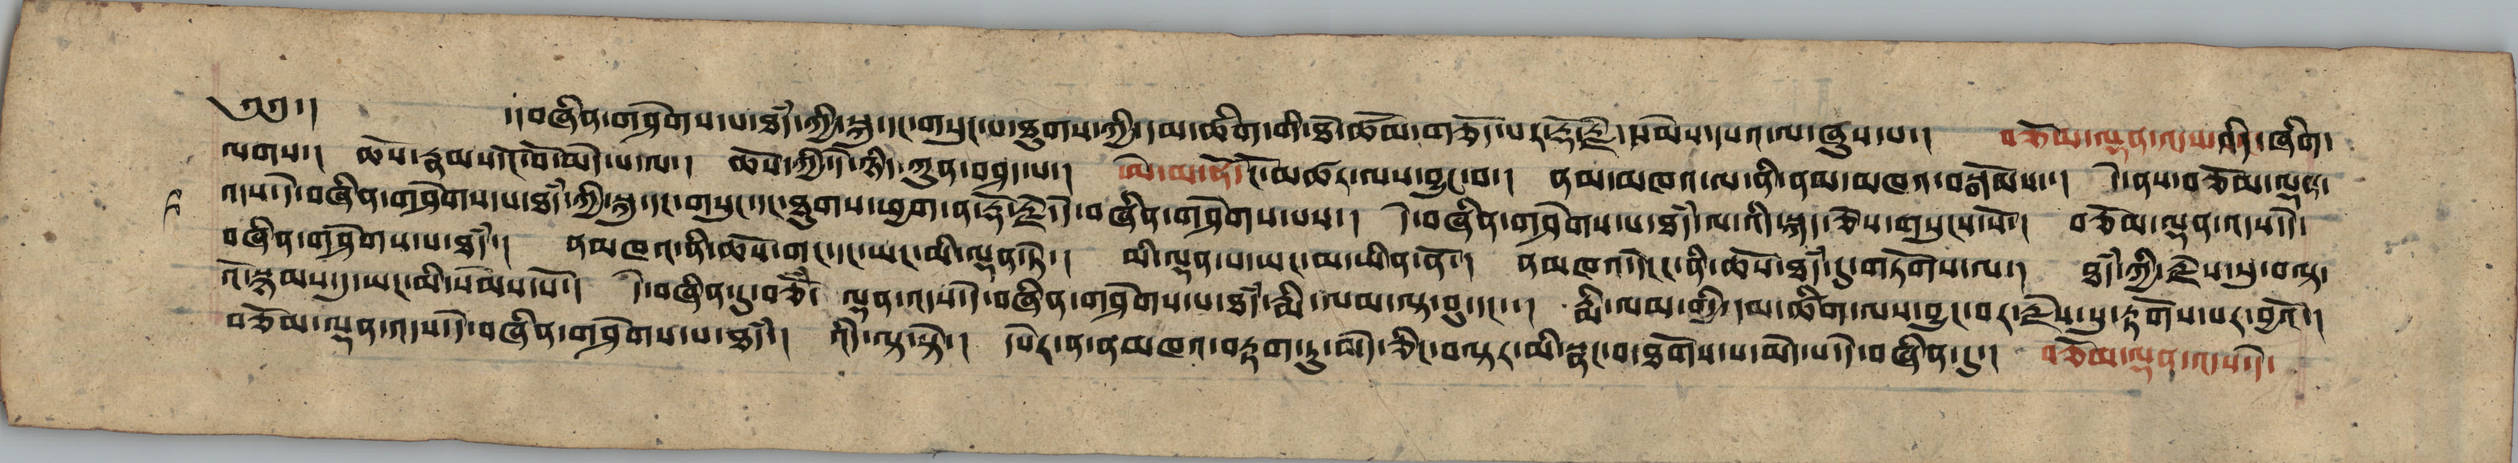༄༅་། ་།བཞིན་གཤེགས་པ་ཐཾད་ཀྱི་སྐུ་དང་གསུང་པ་ཐུགས་ཀྱི་དམ་ཚིག་གི་ཐེ་ཚོམ་གཅོད་པར་རྡོ་རྗེ་སེམས་དཔའ་ལ་ཞུས་པ་། བཅོམ་ལྡན་འདས་འདི་ཞིག་
ལགས་། ཆོས་རྣམས་ངོ་བོ་མེད་པ་ལ་། ཆོས་ཀྱི་དེ་ཉིད་ཀུན་བཤད་པ་། ཨེ་མ་ཧོ་ངོ་མཚར་ལས་བྱུང་བ་། ནམ་མཁའ་ལ་ནི་ནམ་མཁའ་བསྒོམས་། དེ་ནས་བཅོམ་ལྡན་
འདས་དེ་བཞིན་གཤེགས་པ་ཐཾད་ཀྱི་སྐུ་དང་གསུང་དང་ཐུགས་ཕྱག་ན་རྡོ་རྗེ་དེ་བཞིན་གཤེགས་པས་། དེ་བཞིན་གཤེགས་པ་ཐཾད་ལ་འདི་སྐད་ཅེས་གསུངས་སོ་། བཅོམ་ལྡན་འདས་དེ་
བཞིན་གཤེགས་པ་ཐཾད་། ནམཁའ་ནི་ཆོས་གང་དང་ཡང་མི་ལྡན་ཏེ་། མི་ལྡན་པ་ཡང་མ་ཡིན་ནོ་། ནམཁའ་དེངང་ནི་ཆོས་ཐཾད་དུ་གཏོགས་ལ་། ཐཾད་ཀྱི་རྗེས་སུ་བལྟ་
འོ་སྙམས་དུ་ཡང་མི་སེམས་སོ་། དེ་བཞིན་དུ་བཅོཾ་ ལྡན་འདས་དེ་བཞིན་གཤེགས་པ་ཐཾད་རྨི་ལམ་ལྟ་བུ་དང་་། རྨི་ལམ་གྱི་དམ་ཚིག་ལས་བྱུང་བར་རྗེས་སུ་རྟོགས་པར་བྱའོ་།
བཅོམ་ལྡན་འདས་དེ་བཞིན་གཤེགས་པ་ཐཾད་། འདི་ལྟ་སྟེ་། དཔེར་ན་ནམཁའ་བརྟག་ཏུ་མེད་ཅིང་བལྟར་མི་སྣང་བ་ཐོགས་པ་མེད་པ་དེ་བཞིན་དུ་། བཅོམ་ལྡན་འདས་དེ་